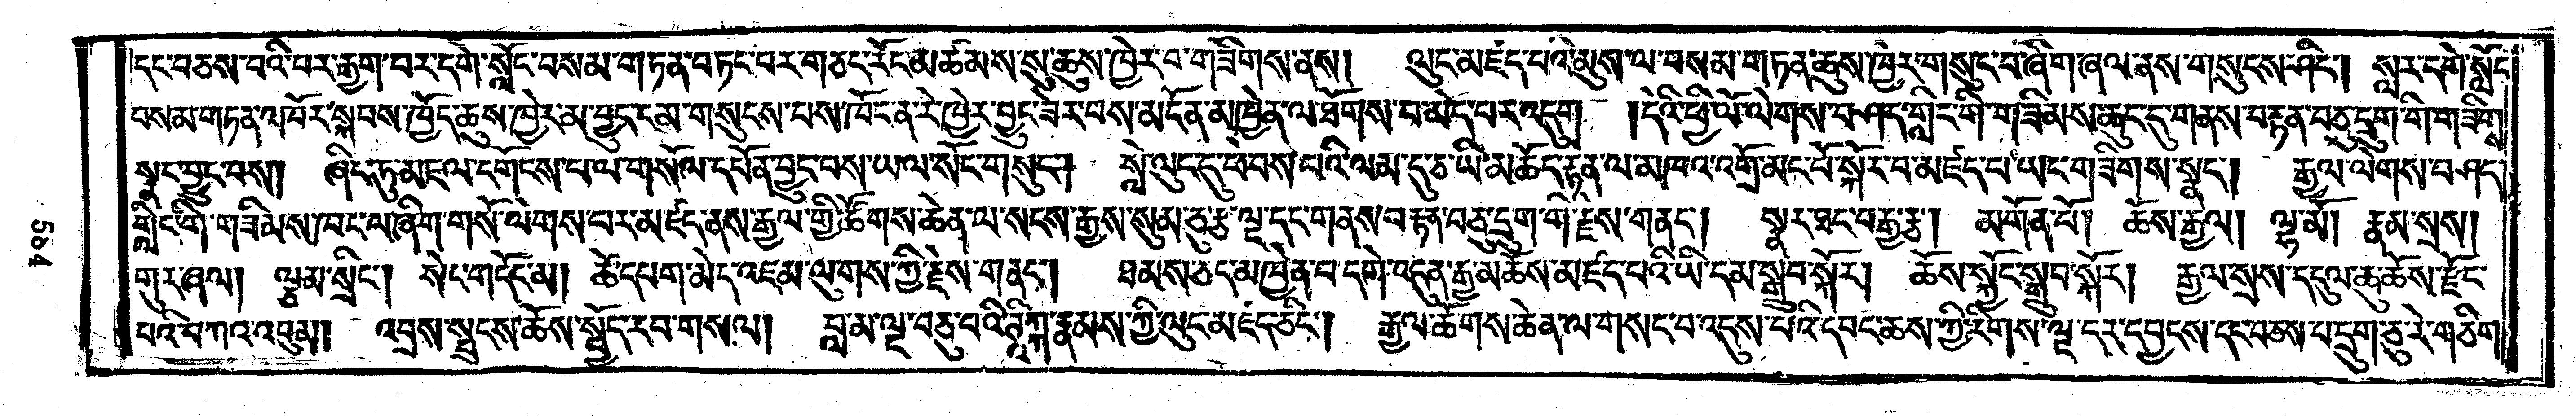དང་བཅས་པའི་བར་རྒྱག་བར་དགེ་སློང་བསམ་གཏན་བཏང་བར་གཅད་རོང་མཚམས་སུ་ཆུས་ཁྱེར་བ་གཟིགས་ནས། ལུང་མཛད་པའི་མུས་ལ་བསམ་གཏན་ཆུས་ཁྱེར་གསུང་བ་ཞིག་ཞལ་ནས་གསུངས་ཤིང་། སླར་དགེ་སློང་
བསམ་གཏན་འཁོར་སྐབས་ཁྱོད་ཆུས་ཁྱེར་མ་བྱུང་ངམ་གསུངས་པས་ཁོང་ན་རེ་ཁྱེར་བྱུང་ཟེར་བས་མངོན་མཁྱེན་ལ་ཐོགས་པ་མེད་པར་འདུག །དེའི་ཕྱི་ལོ་ལེགས་བཤད་གླིང་གི་གཟིམས་ཆུང་དུ་གནས་བརྟན་བཅུ་དྲུག་གི་གཟིགས་
སྣང་བྱུང་བས། ཞིང་ཏུ་མཇལ་དགོངས་པ་ལ་གསོལ་དཔོན་བྱུང་བས་ཡལ་སོང་གསུང་། སླེ་ལུང་དུ་ཕེབས་པའི་ལམ་དུ་ཅ་ཡི་མཆོད་རྟེན་ལ་མཁའ་འགྲོ་མང་པོ་སྐོར་བ་མཛད་པ་ཡང་གཟིགས་སྣང་། རྒྱལ་ལེགས་བཤད།
གླིང་གི་གཟིམས་ཁང་ལ་ཞིག་གསོ་ལེགས་པར་མཛད་ནས་རྒྱལ་གྱི་ཚོགས་ཆེན་ལ་སངས་རྒྱས་སུམ་ཅུ་རྩ་ལྔ་དང་གནས་བརྟན་བཅུ་དྲུག་གི་རྗེས་གནང་། སྣར་ཐང་བརྒྱ་རྩ། མགོན་པོ། ཆོས་རྒྱལ། ལྷ་མོ། རྣམ་སྲས།
གུར་ཞལ། ལྕམ་སྲིང་། སེང་གདོང་མ། ཚེ་དཔག་མེད་འཇམ་ལུགས་ཀྱི་རྗེས་གནང་། ཐམས་ཅད་མཁྱེན་པ་དགེ་འདུན་རྒྱ་མཆོས་མཛད་པའི་ཡི་དམ་སྒྲུབ་སྐོར། ཆོས་སྐྱོང་སྒྲུབ་སྐོར། རྒྱལ་སྲས་དངུལ་ཆུ་ཆོས་རྫོང་
པའི་བཀའ་འབུམ། འབྲས་སྤུངས་ཆོས་སྤྱོད་རབ་གསལ། བླ་མ་ལྔ་བཅུ་བའི་ཊཱིཀྐ་རྣམས་ཀྱི་ལུང་མཛད་ཅིང་། རྒྱལ་ཆོགས་ཆེན་ལ་གསང་བ་འདུས་པའི་དབང་ཆས་ཀྱི་རིགས་ལྔ་དར་དབྱངས་དང་བཅས་པ་དྲུག་ཅུ་རེ་གཅིག་